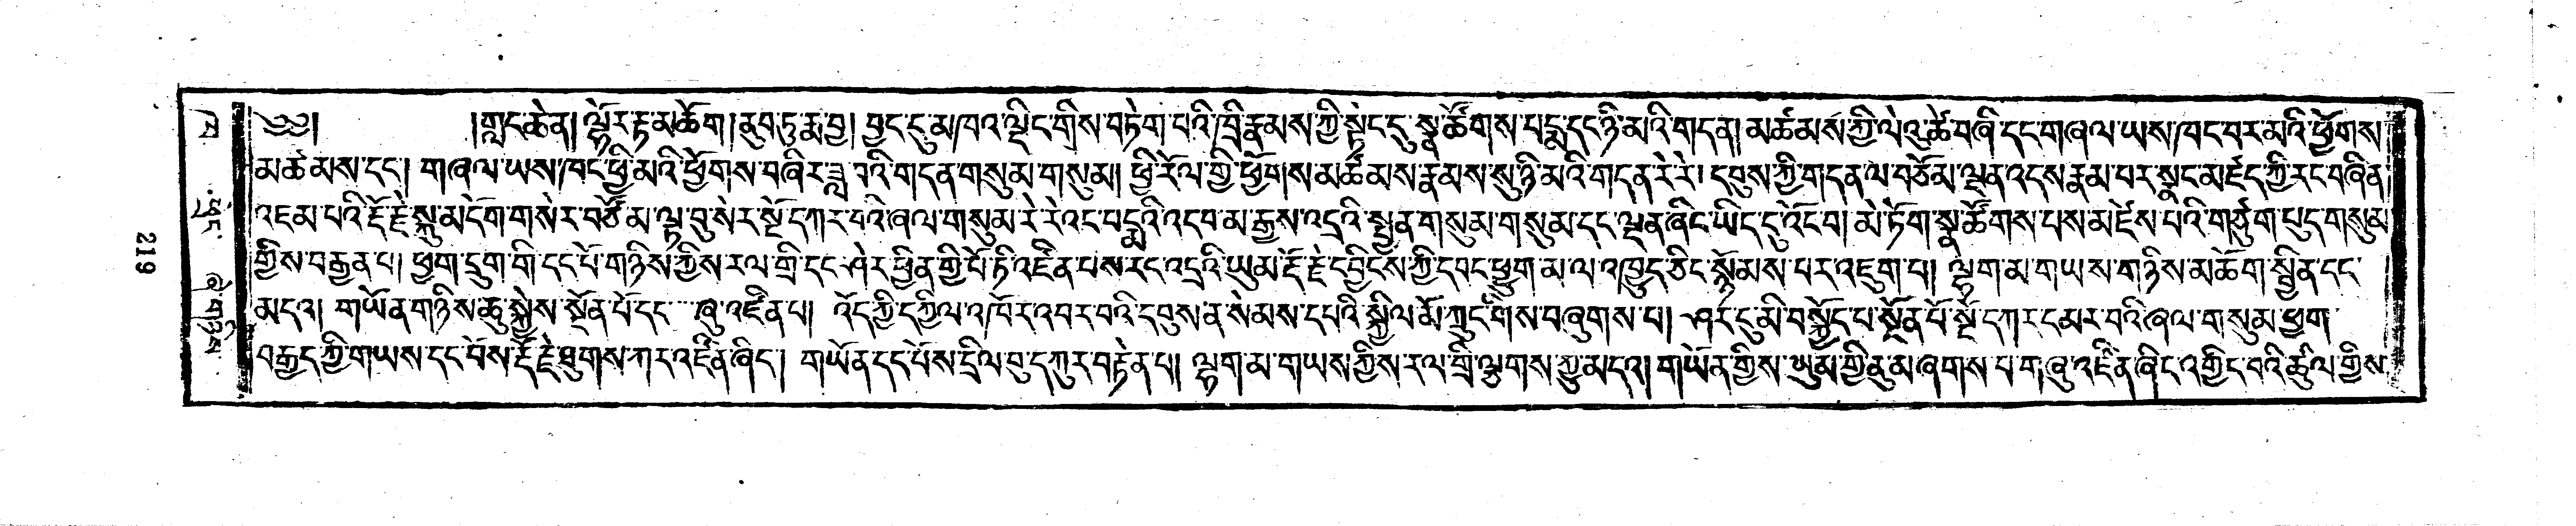༄༅། །སློབ་དཔོན་ཤཱཀྱ་བཤེས་གཉེན་གྱི་གསུང་ཡིན་པ། བདག་གི་རྗེ་ཐམས་ཅད་མཁྱེན་པའི་དགོངས་པའོ། །གཉིས་པ་སྟོང་པ་གསུམ་ལས། ལྷའི་སྐུ་བསྐྱེད་ཚུལ་ལ་གཉིས། བསྐྱེད་རིམ་པས་སྟོང་པ་
གསུམ་ལས་ལྷའི་སྐུ་བསྐྱེད་ཚུལ་དང་། རྫོགས་རིམ་པས་སྟོང་པ་གསུམ་ལས་ལྷའི་སྐུ་བསྐྱེད་ཚུལ་ལོ། །དང་པོ་སྟོན་པར་བྱེད་པ་ལ། ཤེས་རབ་ངོ་བོ་ཉིད་འདི་ནི། །ཟླ་བའི་དཀྱིལ་འཁོར་དག་ཏུ་བརྟག །སེམས་ཉིད་རང་
གིས་མཐོང་འགྱུར་ཏེ། །རང་ཉིད་ཟླ་བའི་གཟུགས་བཞིན་ནོ། །དེ་ནས་ཟླ་བ་ལ་དམིགས་པ། །རྡོ་རྗེ་མཚན་མར་རབ་ཏུ་བརྟག །འདི་ནི་རྡོ་རྗེ་ལས་བྱུང་བའི། །རྣལ་འབྱོར་པ་ཡི་ཐབས་སུ་བཤད། །ཟླ་བ་རྡོ་རྗེ་སོགས་
མཉམ་སྦྱོར། །སེམས་དང་སེམས་བྱུང་འདུས་པ་སྟེ། །ཤེས་རབ་ཐབས་སུ་འདུས་པ་ལས། །ལྷ་ཡི་གཟུགས་ནི་འབྱུང་བར་འགྱུར། །ཕྱག་རྒྱ་བཞིས་ནི་རྒྱས་བཏབ་ཅིང་། །ལྷ་ཡི་ང་རྒྱལ་འཆད་བྱེད་དེ། །བསྐྱེད་པའི་རིམ་དང་
ལྡན་པར་ནི། །སྔགས་པས་རྟག་ཏུ་སྤྱོད་པར་འགྱུར། །ཇི་སྙེད་དཔལ་ལྡན་འདུས་སོགས་པར། །དེ་དང་དེར་ནི་རྒྱས་གསུངས་པའི། །ཇི་སྲིད་བསྒོམ་ལ་སྦྱོར་གྱུར་པ། །དེ་སྲིད་དང་པོའི་ལས་ཅན་ཡིན། །ཞེས་གསུངས། བསྐྱེད་
རིམ་པས་སྟོང་པ་གསུམ་ལས་ལྷའི་སྐུ་བསྐྱེད་ཚུལ་ཡོད་དེ། ཤེས་རབ་སྣང་བའི་ངོ་བོ་ཉིད་འདི་ནི། སྣང་བ་མཚོན་བྱེད་ཟླ་བའི་དཀྱིལ་འཁོར་དག་ཏུ་བརྟག་པ་སྟེ་བསྒོམ་པ་ཡིན་པའི་ཕྱིར། ཇི་ལྟར་ན། རྣལ་འབྱོར་པས་